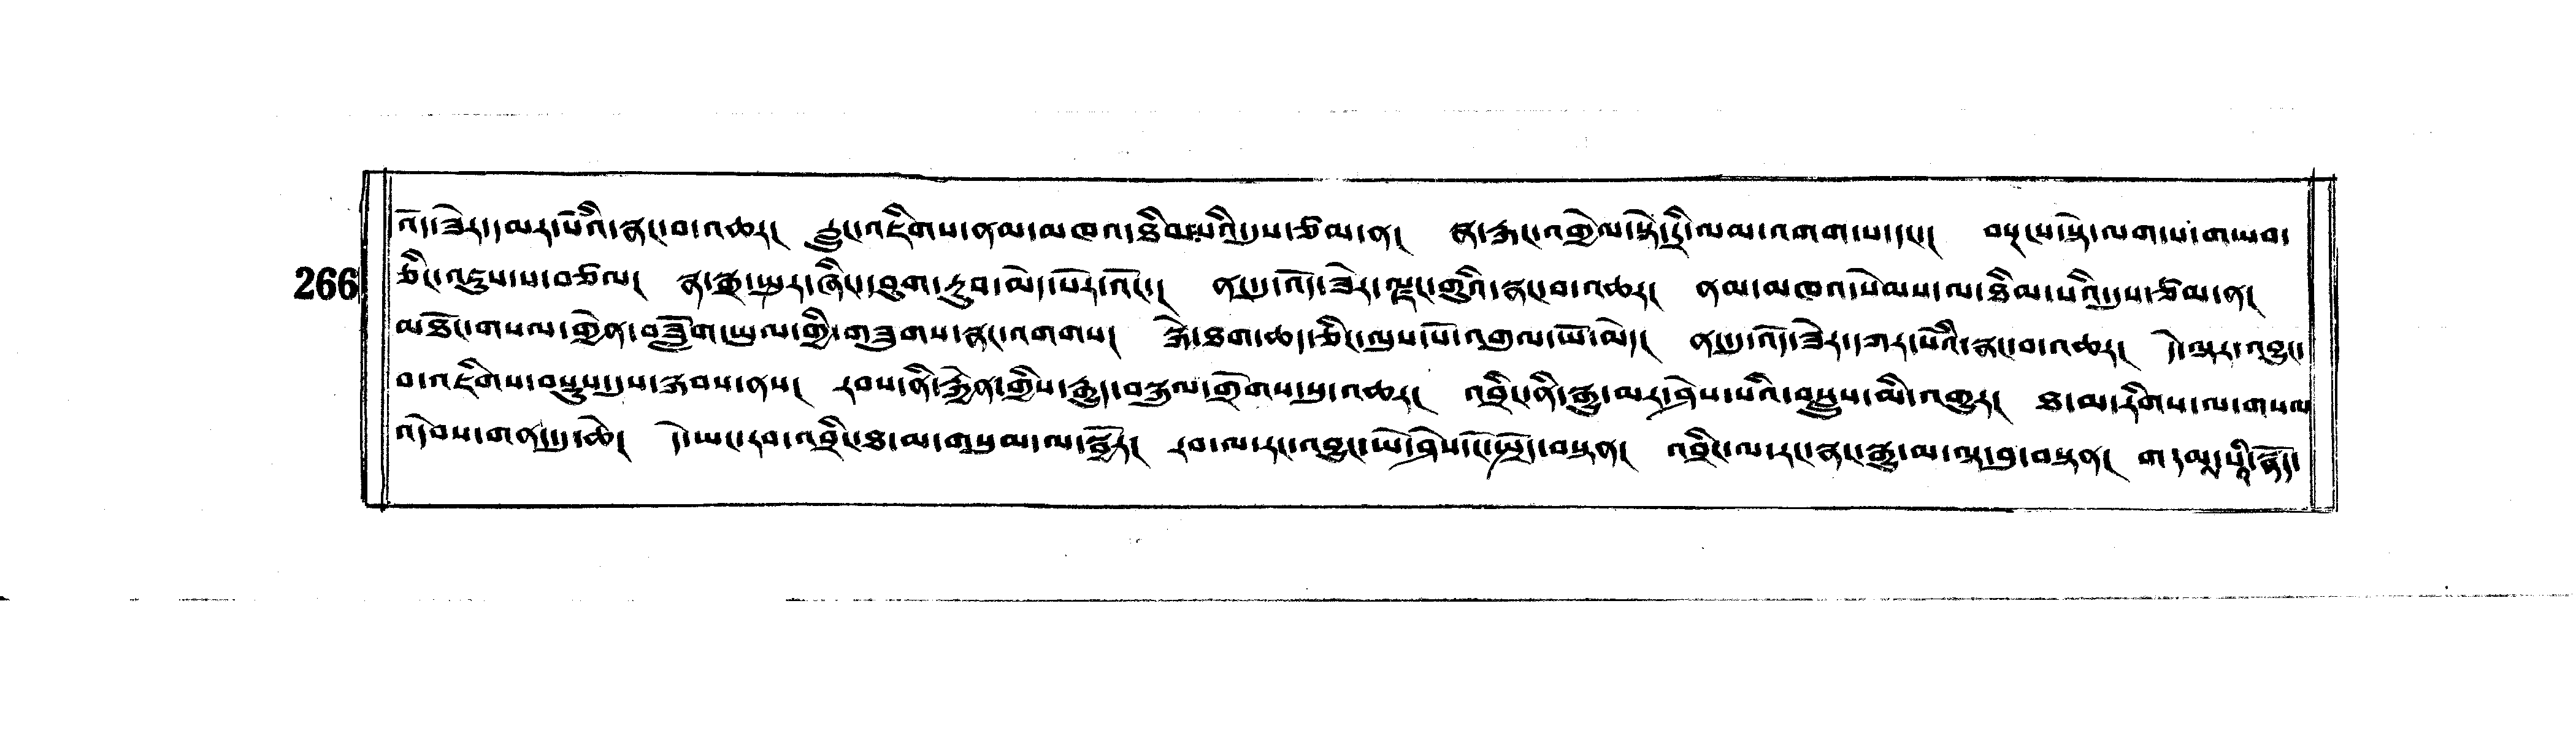འོད་ཟེར་དམར་པོའི་སྣང་བ་འཆར། རླུང་འཇིགས་ནམ་མཁའ་འཐིབས་པའི་དུས་ཙམ་ན། སྣ་རྐང་འདྲིལ་ཏེ་དྲི་ལམ་འགག་པ་དང་། དངས་ཏེ་ལག་པ་གཡབ་
སྟེ་འཇུས་པ་བཙལ། སྣ་སྒྲ་སྤུར་ཞིང་དངུགས་རྔུབས་མེད་པར་འོང་། ནང་དུ་འོད་ཟེར་ལྗང་ཁུའི་སྣང་བ་འཆར། ནམ་མཁའ་སེམས་ལ་ཐིམ་པའི་དུས་ཙམ་ན། 
མཐོང་གསལ་གྱེན་ཟློག་ཡུལ་གྱི་གཟུགས་སྣང་འགག སྐེ་ཐག་ཆད་ཅིང་ལུས་པོ་འགུལ་གཡོ་མེད། ནང་དུ་འོད་ཟེར་དཀར་པོའི་སྣང་བ་འཆར། དེ་ལྟར་འབྱུང་
བ་འཇིགས་བསྡུས་དུས་སྐབས་ན། རབ་ནི་རྐྱེན་གྱིས་རྒྱུད་བསྐུལ་གྲོགས་སུ་འཆར། འབྲིང་ནི་སྒྱུ་མར་ཤེས་པས་བསླུས་མི་འགྱུར། ཐ་མ་རིགས་ལ་གསལ་
འདེབས་གནད་དུ་ཆེ། དེ་ཡང་རབ་འབྲིང་ཐ་མ་གསུམ་ལ་སྦྱོར། རབ་ལ་རང་འབྱུང་ཡེ་ཤེས་ངོ་སྤྲོད་བསྟན། འབྲིང་ལ་རང་སྣང་སྒྱུ་མ་ལྟ་བུར་བསྟན། གདམས་པའི་སྣོད་